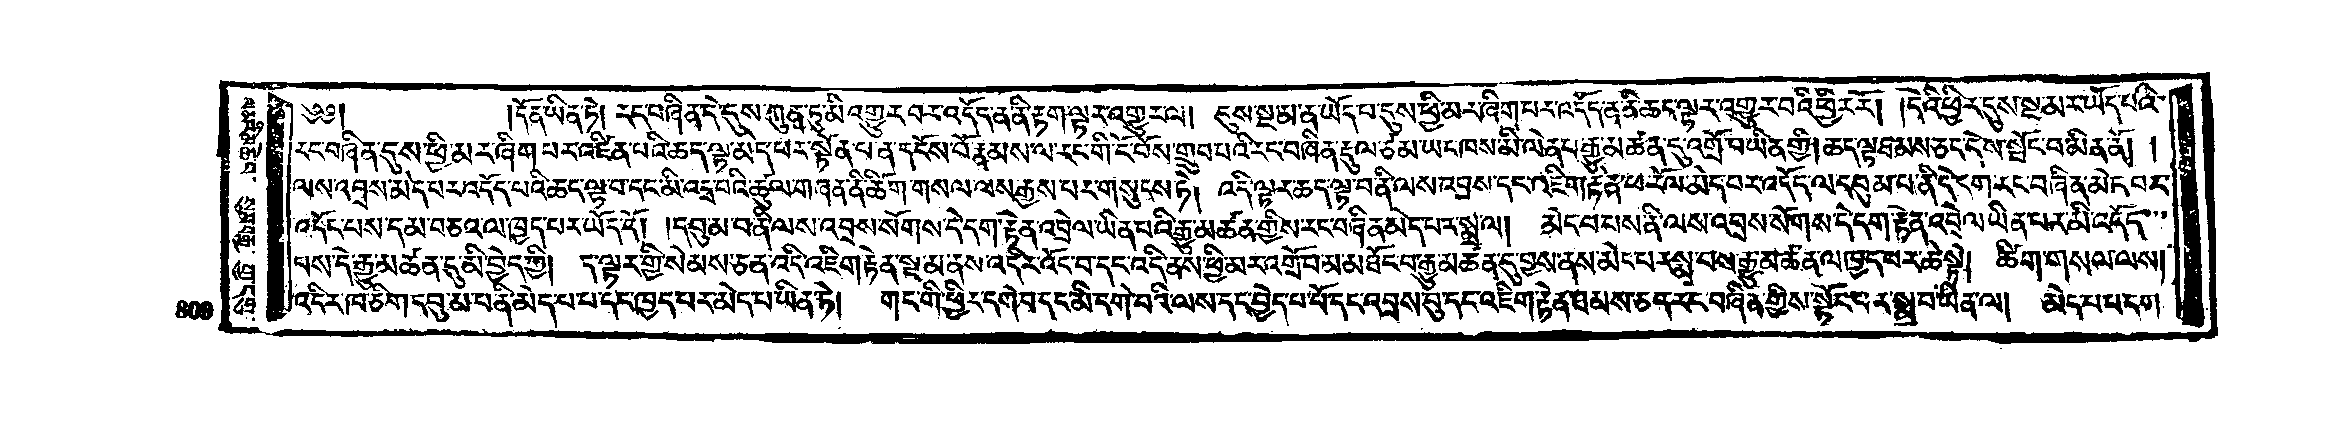༄༅། །དོན་ཡིན་ཏེ། རང་བཞིན་དེ་དུས་ཀུན་ཏུ་མི་འགྱུར་བར་འདོད་ན་ནི་རྟག་ལྟར་འགྱུར་ལ། དུས་སྔ་མ་ན་ཡོད་པ་དུས་ཕྱི་མར་ཞིག་པར་འདོད་ན་ནི་ཆད་ལྟར་འགྱུར་བའི་ཕྱིར་རོ། །དེའི་ཕྱིར་དུས་སྔ་མར་ཡོད་པའི་
རང་བཞིན་དུས་ཕྱི་མར་ཞིག་པར་འཛིན་པའི་ཆད་ལྟ་མེད་པར་སྟོན་པ་ན་དངོས་པོ་རྣམས་ལ་རང་གི་ངོ་བོས་གྲུབ་པའི་རང་བཞིན་རྡུལ་ཙམ་ཡང་ཁས་མི་ལེན་པ་རྒྱུ་མཚན་དུ་འགྲོ་བ་ཡིན་གྱི། ཆད་ལྟ་ཐམས་ཅད་དེས་སྤོང་བ་མིན་ནོ། །
ལས་འབྲས་མེད་པར་འདོད་པའི་ཆད་ལྟ་བ་དང་མི་འདྲ་བའི་ཚུལ་གཞན་ནི་ཚིག་གསལ་ལས་རྒྱས་པར་གསུངས་ཏེ། འདི་ལྟར་ཆད་ལྟ་བ་ནི་ལས་འབྲས་དང་འཇིག་རྟེན་ཕ་རོལ་མེད་པར་འདོད་ལ་དབུ་མ་པ་ནི་དེ་དག་རང་བཞིན་མེད་པར་
འདོད་པས་དམ་བཅའ་ལ་ཁྱད་པར་ཡོད་དོ། །དབུ་མ་པ་ནི་ལས་འབྲས་སོགས་དེ་དག་རྟེན་འབྲེལ་ཡིན་པའི་རྒྱུ་མཚན་གྱིས་རང་བཞིན་མེད་པར་སྨྲ་ལ། མེད་པ་པས་ནི་ལས་འབྲས་སོགས་དེ་དག་རྟེན་འབྲེལ་ཡིན་པར་མི་འདོད་
པས་དེ་རྒྱུ་མཚན་དུ་མི་བྱེད་ཀྱི། ད་ལྟར་གྱི་སེམས་ཅན་འདི་འཇིག་རྟེན་སྔ་མ་ནས་འདིར་འོང་བ་དང་འདི་ནས་ཕྱི་མར་འགྲོ་བ་མ་མཐོང་བ་རྒྱུ་མཚན་དུ་བྱས་ནས་མེད་པར་སྨྲ་བས་རྒྱུ་མཚན་ལ་ཁྱད་པར་ཆེ་སྟེ། ཚིག་གསལ་ལས།
འདིར་ཁ་ཅིག་དབུ་མ་པ་ནི་མེད་པ་པ་དང་ཁྱད་པར་མེད་པ་ཡིན་ཏེ། གང་གི་ཕྱིར་དགེ་བ་དང་མི་དགེ་བའི་ལས་དང་བྱེད་པ་པོ་དང་འབྲས་བུ་དང་འཇིག་རྟེན་ཐམས་ཅད་རང་བཞིན་གྱིས་སྟོང་པར་སྨྲ་བ་ཡིན་ལ། མེད་པ་པ་དག་